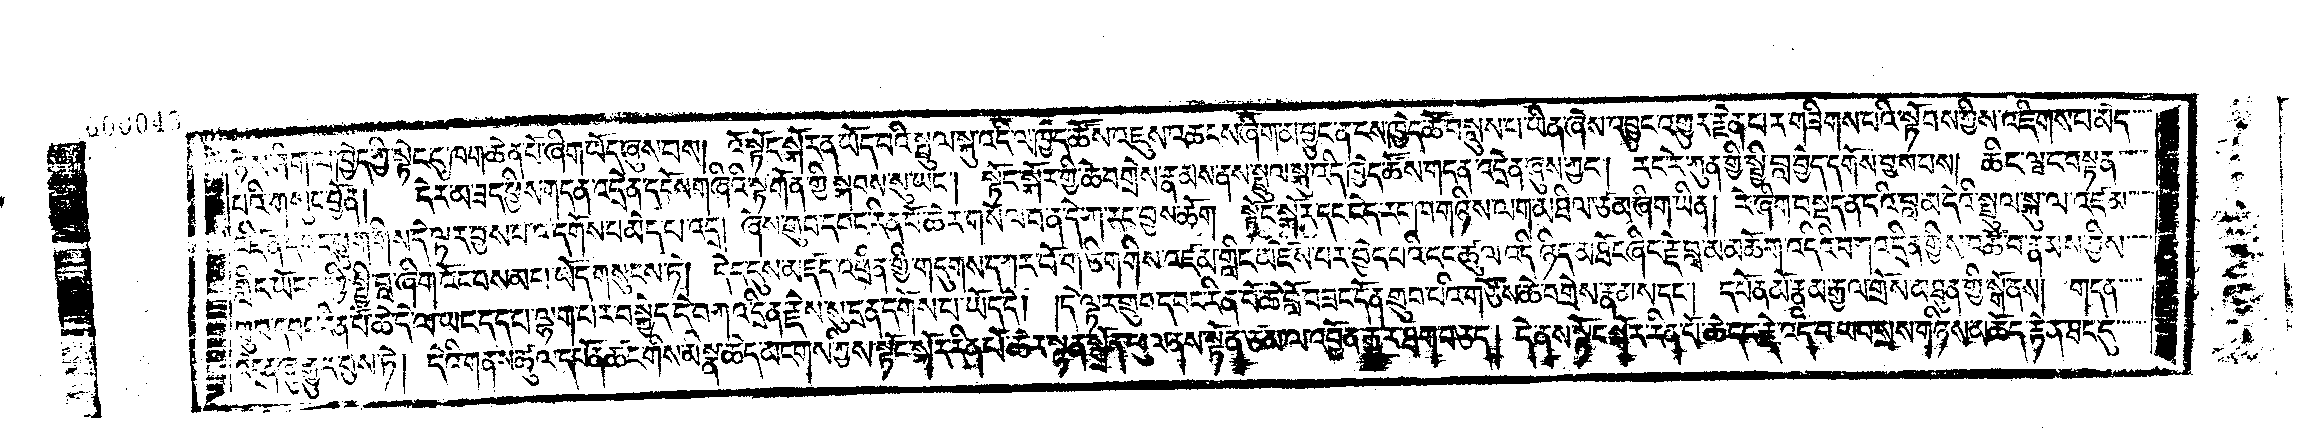ཉེས་ཤིག་ལ་ཁྱེད་ཀྱི་སྟེང་དུ་ཁག་ཆེན་པོ་ཞིག་ཡོང་ཞུས་པས། འོ་སྟོང་སྐོར་ན་ཡོད་པའི་སྤྲུལ་སྐུ་འདི་ལ་ཁྱེད་ཚོས་འཇུ་ས་འཆངས་ཞིག་མ་བྱུང་ན་ངས་ཁྱེད་ཚོ་བསླུས་པ་ཡིན་ཞེས་འབྱུང་འགྱུར་རྗེན་པར་གཟིགས་པའི་སྟོབས་ཀྱིས་འཇིགས་པ་མེད་
པའི་གསུང་བྱོན། དེར་མ་ཟད་ཕྱིས་གདན་འདྲེན་དངོས་གཞིའི་སྟ་གོན་གྱི་སྐབས་སུ་ཡང་། སྟོང་སྐོར་གྱི་ཆེ་བགྲེས་རྣམས་ནས་སྤྲུལ་སྐུ་འདི་ཁྱེད་ཚོས་གདན་འདྲེན་ཞུས་ཀྱང་། རང་རེ་ཀུན་གྱི་སྤྱི་བླ་བྱེད་དགོས་བྱས་པས། ཆིང་ཝང་བསྟན་
འཛིན་དབང་ཕྱུག་གིས་དེ་ལྟར་བྱས་པ་ལ་དགོས་པ་མེད་པ་འདྲ། ཞེས་གྲུབ་དབང་རིན་པོ་ཆེར་གསོལ་བ་ན་དེ་ཀ་རང་བྱས་ཆོག། སྟོང་སྐོར་དང་ངེད་རང་ཁ་གཉིས་ལག་མཐིལ་ཙམ་ཞིག་ཡིན། རེ་ཞིག་བསྡད་ན་ངའི་བླ་མ་དེའི་སྤྲུལ་སྐུ་ལ་འཛམ་
གླིང་ཡོངས་ཀྱི་སྤྱི་བླ་ཞིག་འོང་བསམ་པ་ཡོད་གསུངས་ཏེ། དེང་དུས་མཛད་འཕྲིན་གྱི་གདུགས་དཀར་པོ་གཅིག་གིས་འཛམ་གླིང་མཛེས་པར་བྱེད་པའི་ངང་ཚུལ་འདི་ཉིད་མཐོང་ཞིང་རྗེ་བླ་མ་མཆོག་འདིའི་བཀའ་དྲིན་གྱིས་འཚོ་བ་རྣམས་ཀྱིས་
གྲུབ་དབང་རིན་པོ་ཆེ་དེ་ལ་ཡང་དད་པ་ལྷག་པར་བསྐྱེད་དེ་བཀའ་དྲིན་རྗེས་སུ་དྲན་དགོས་པ་ཡོད་དོ། །དེ་ལྟར་གྲུབ་དབང་རིན་པོ་ཆེ་བློ་བཟང་དོན་གྲུབ་པའི་གཙོས་ཆེ་འགྲེས་རྣམས་དང་། དཔོན་མོ་རྣམ་རྒྱལ་གྲོས་མཐུན་གྱི་སྒོ་ནས། གདན་
འཕྲེན་ཞུ་རྒྱུར་བྱས་ཏེ། དེའི་གནས་ཚུལ་དཔོན་ཚང་གིས་མི་སྣ་ཆེད་མངགས་ཀྱིས་སྟོང་སྐོར་རིན་པོ་ཆེར་སྙན་སྒྲོན་ཕུལ་ནས་སྟོན་ཙམ་ལ་འབྱོན་རྒྱུར་ཐག་བཅད། དེ་ནས་སྟོང་སྐོར་རིན་པོ་ཆེ་དང་རྗེ་འདི་བ་ཡབ་སྲས་གཉིས་མཆོད་རྟེན་ཐང་དུ་